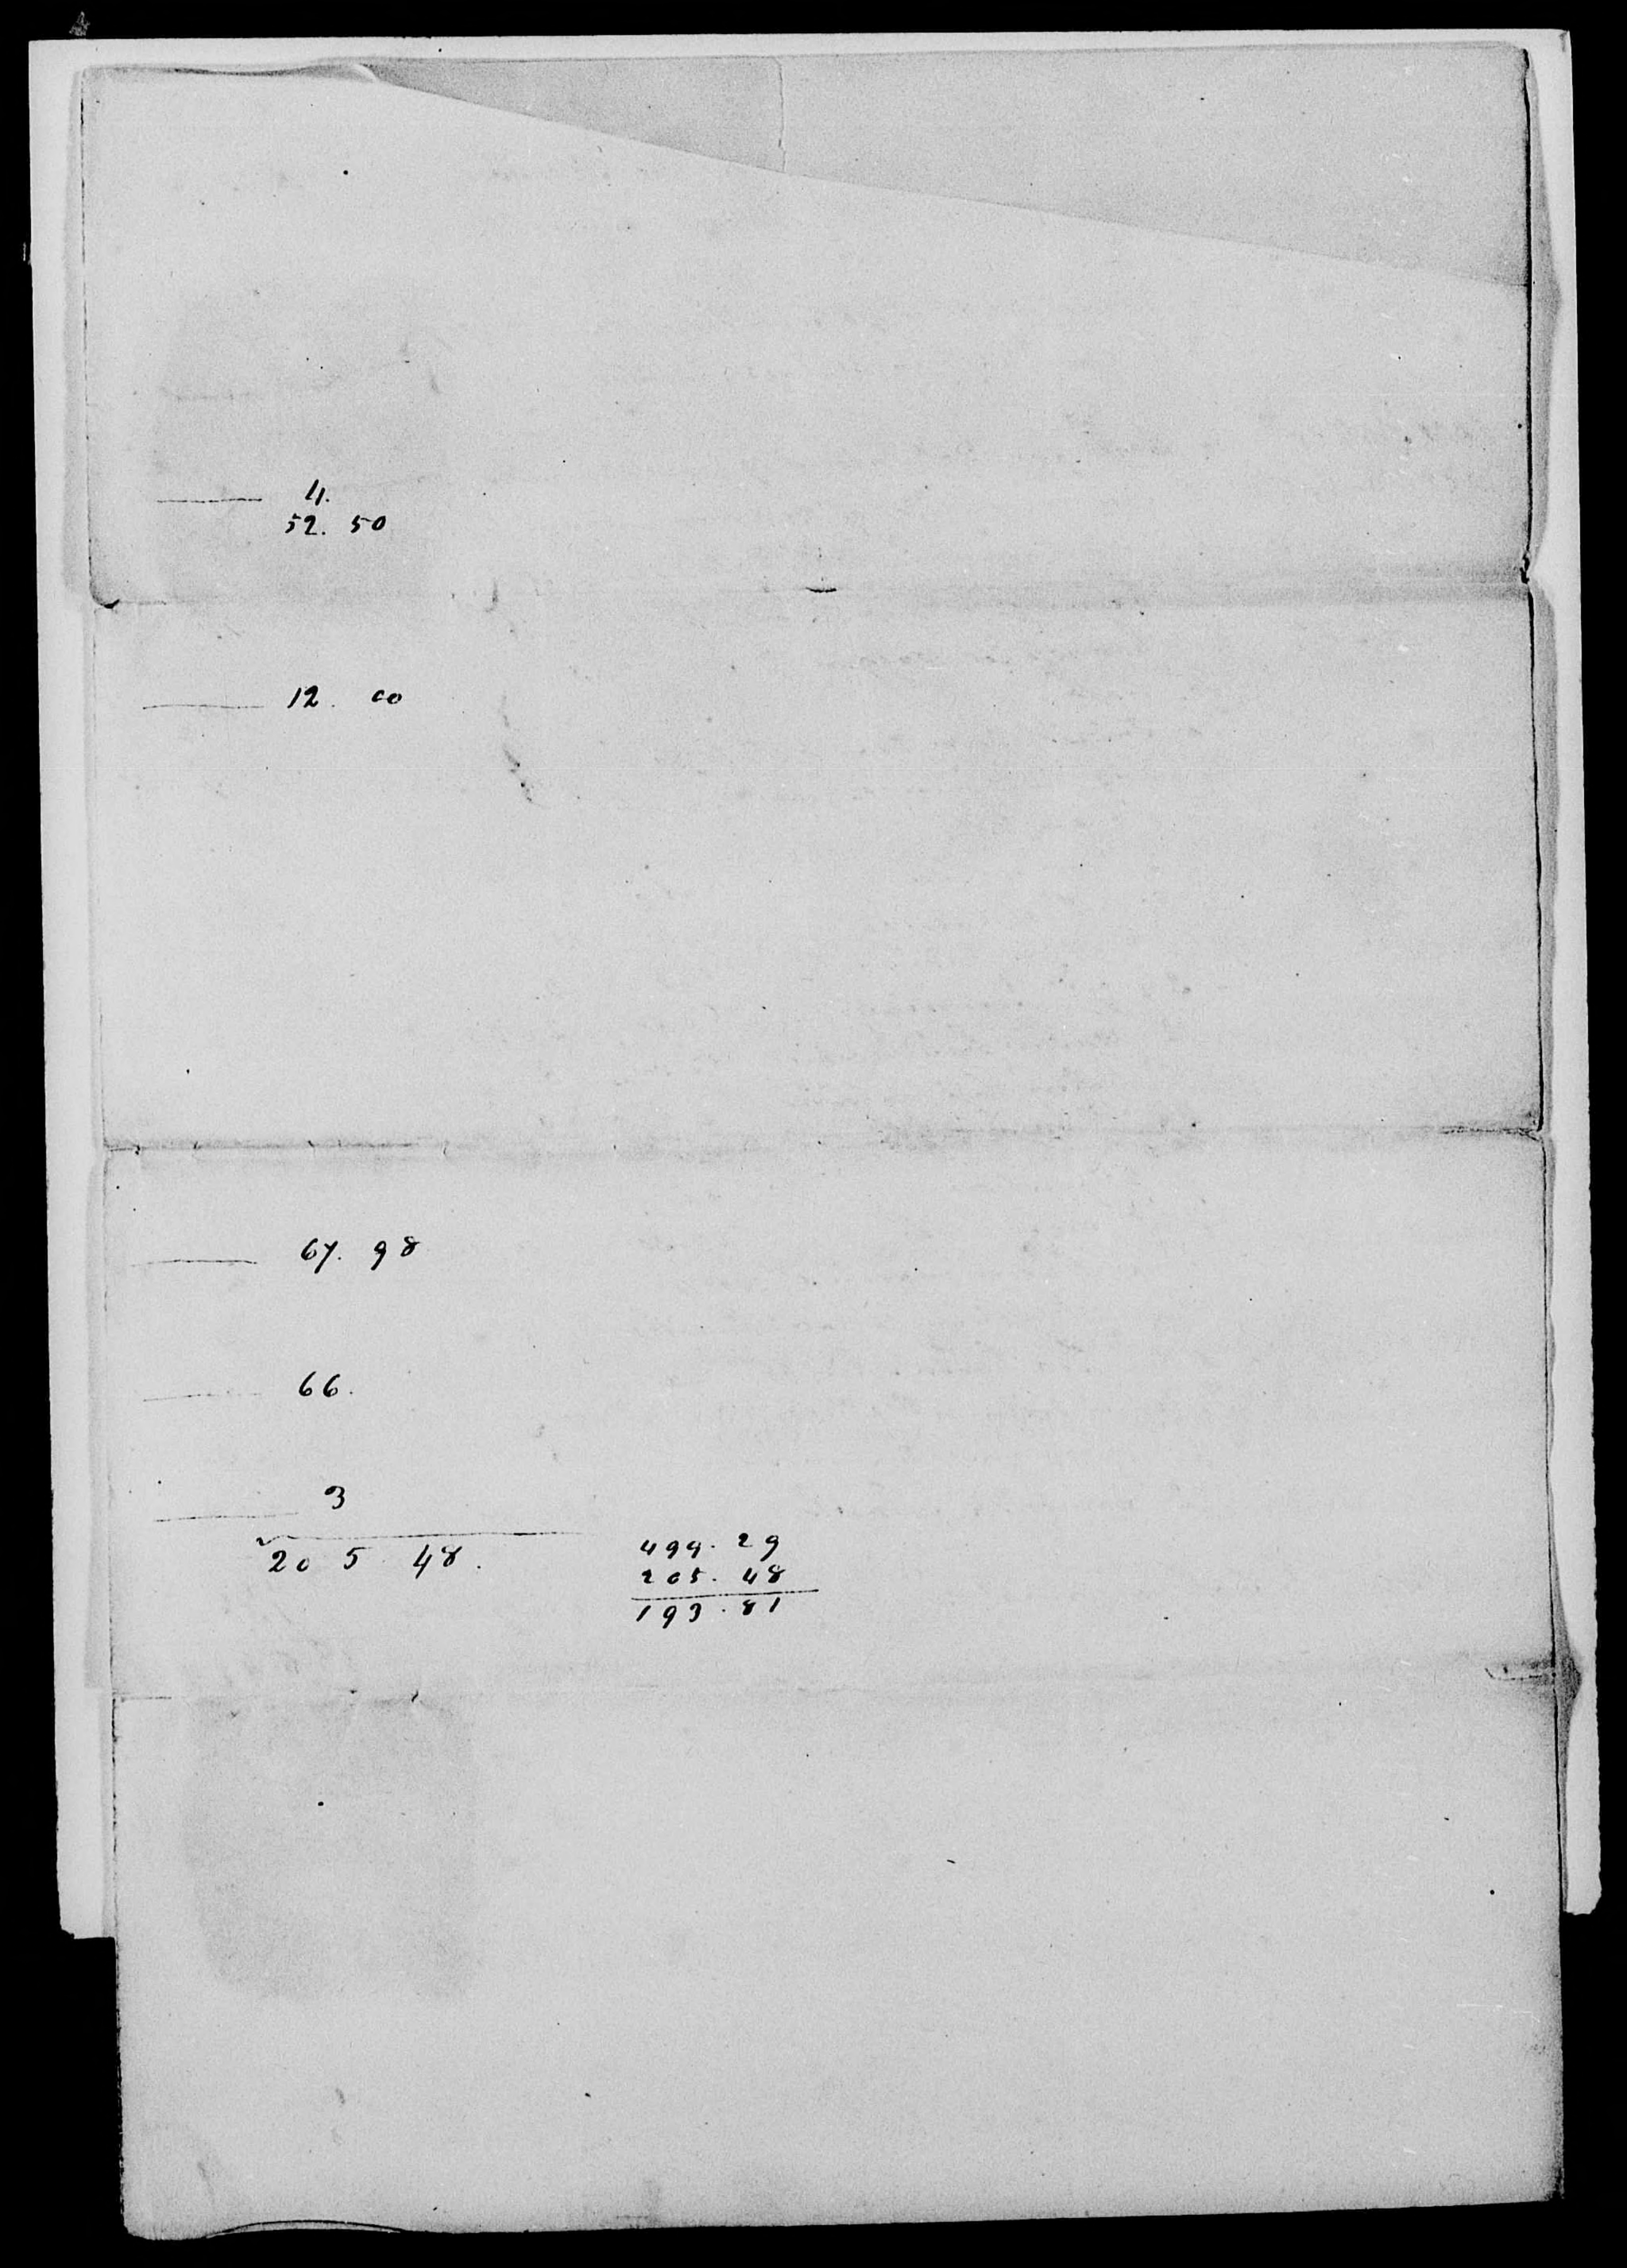4.
52. 50


12 co

61. 98


66.

3
20  5   48

494.29
205.48
__________
193.81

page: 98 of 114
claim: widow's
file: W. 2115, Seth Hubbell, Conn.